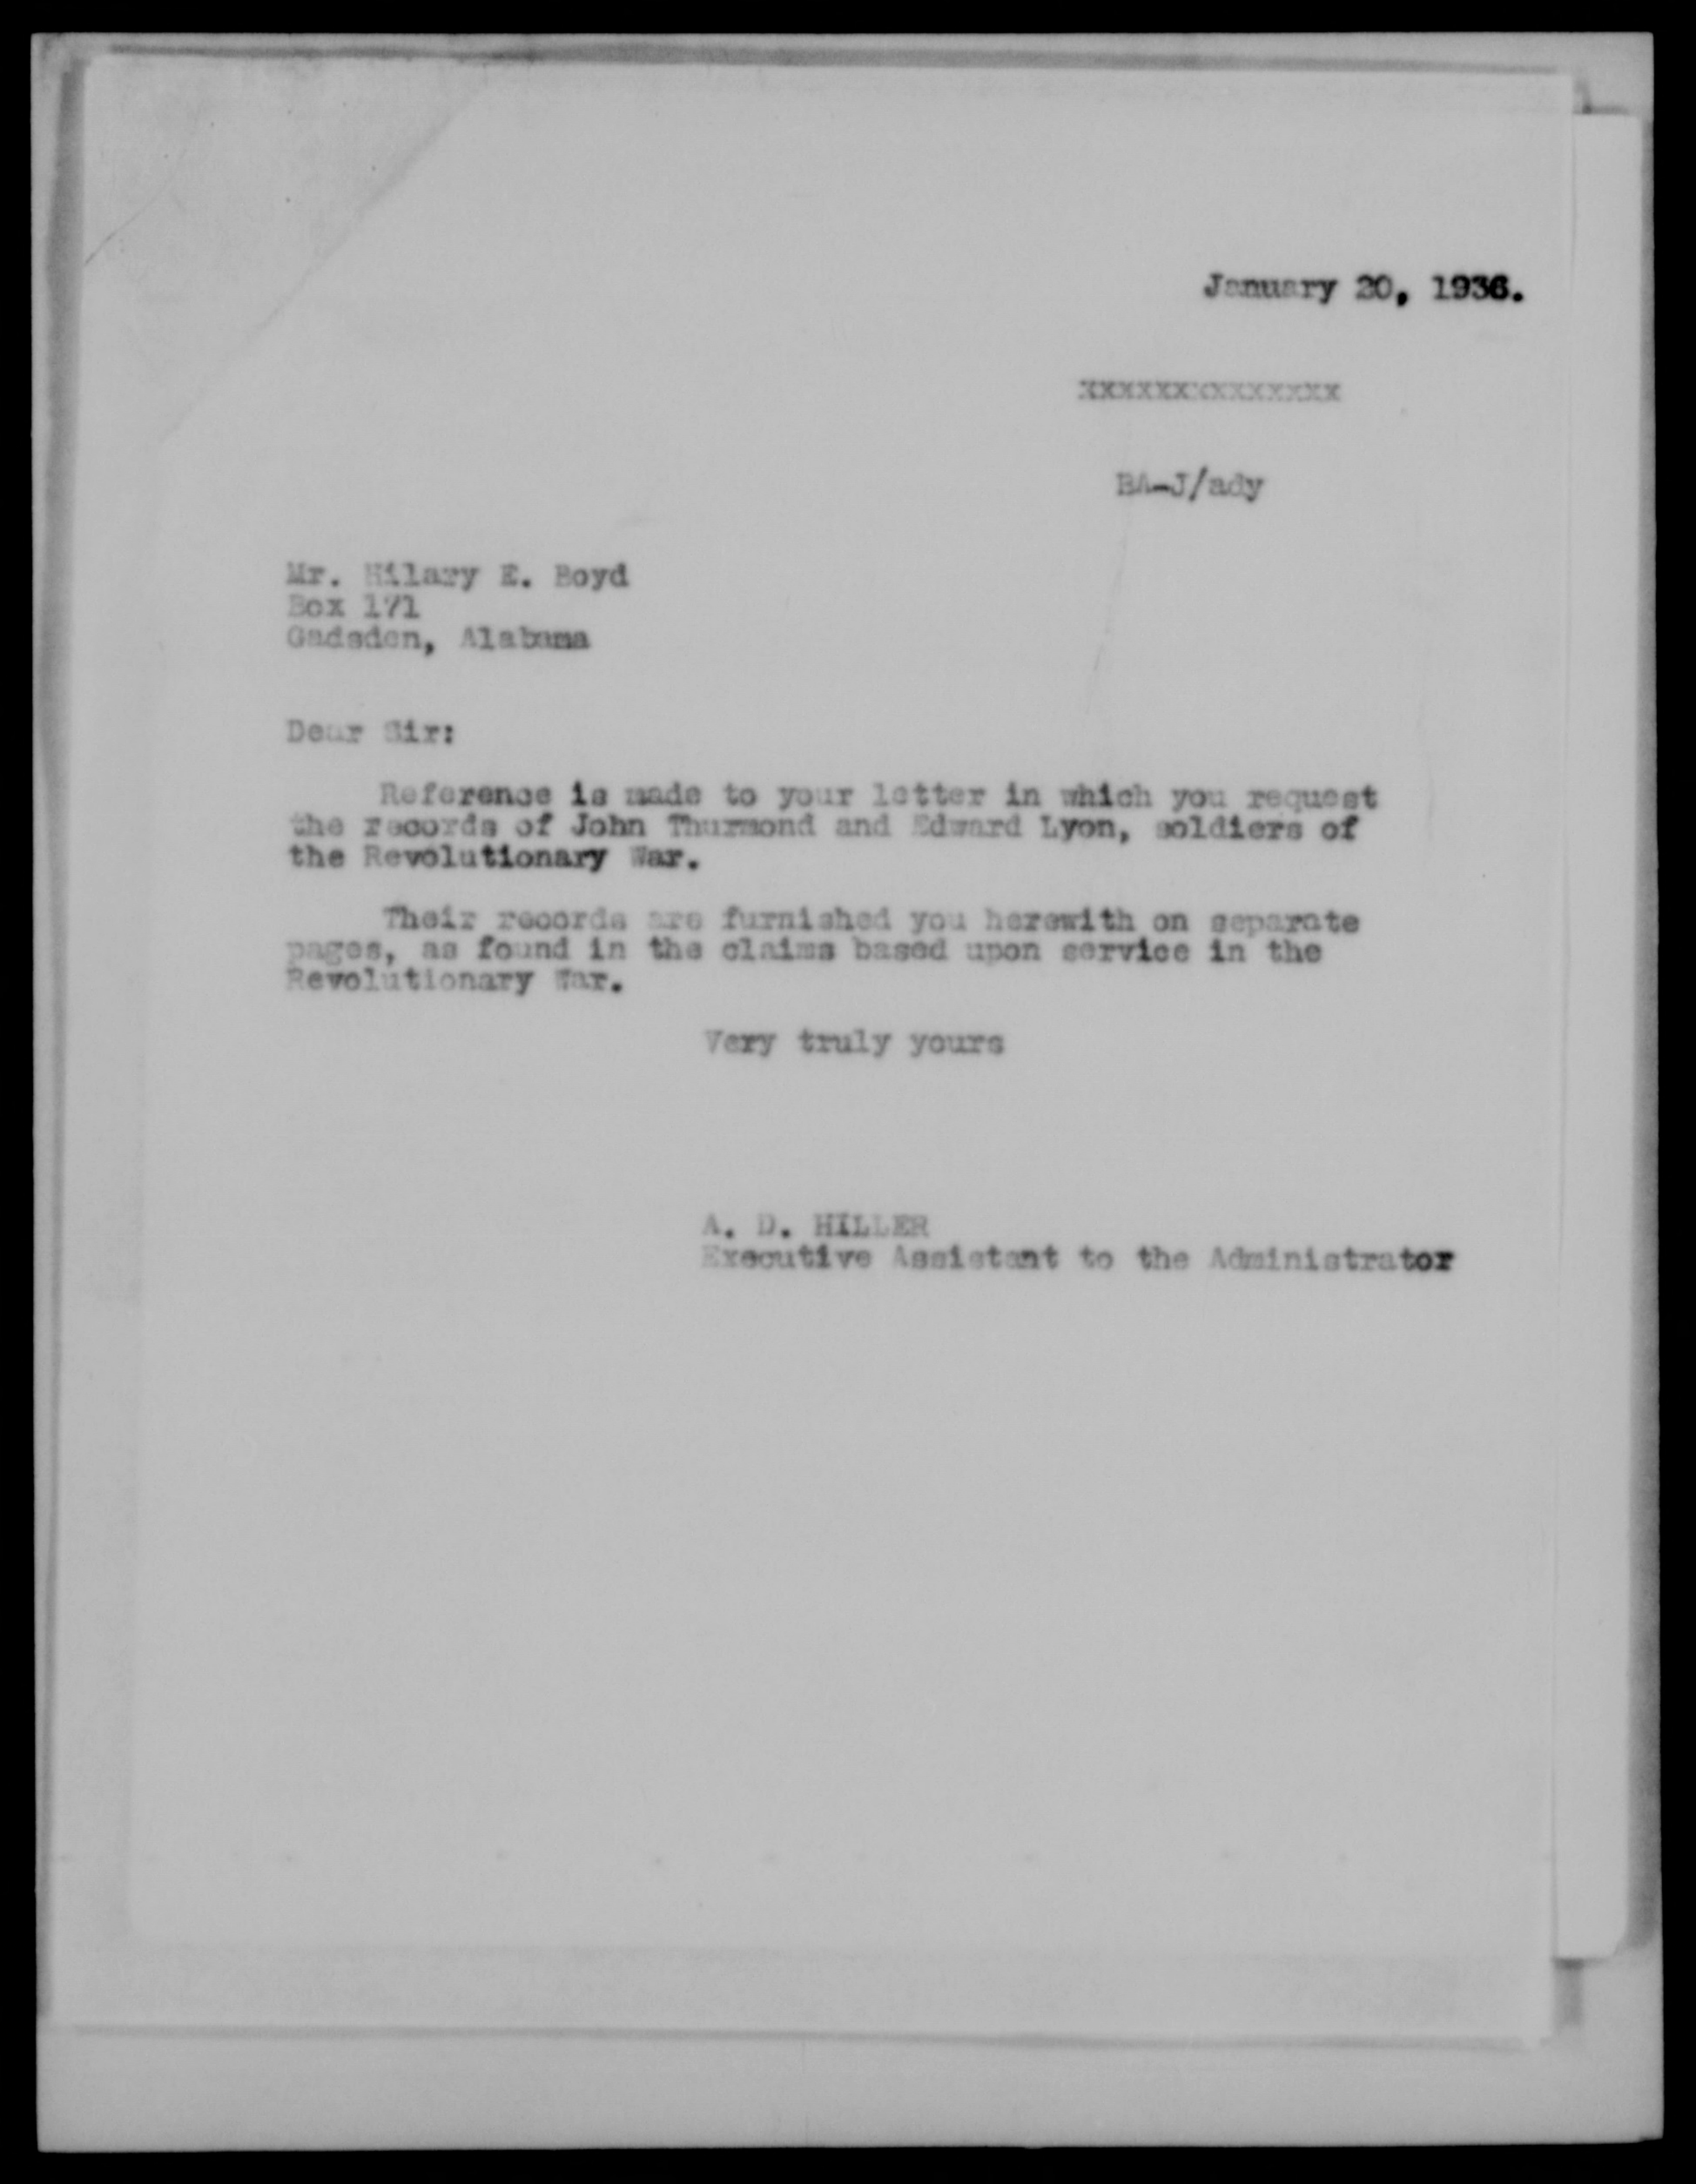January 20, 1936.
XXXXXXXXXXX
BA-J/ady
Mr. Hilary E. Boyd
Box 171
Gadsden, Alabama
Dear Sir:
Reference is made to your letter in which you request
the records of John Thurmond and Edward Lyon, soldiers of
the Revolutionary War.
Their records are furnished you herewith on separate
pages, as found in the claims based upon service in the
Revolutionary War.

Very truly yours
A. D. HILLER
Executive Assistant to the Administrator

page: 45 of 53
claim: widow's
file: W. 6,267, for John Thurman, Georgia